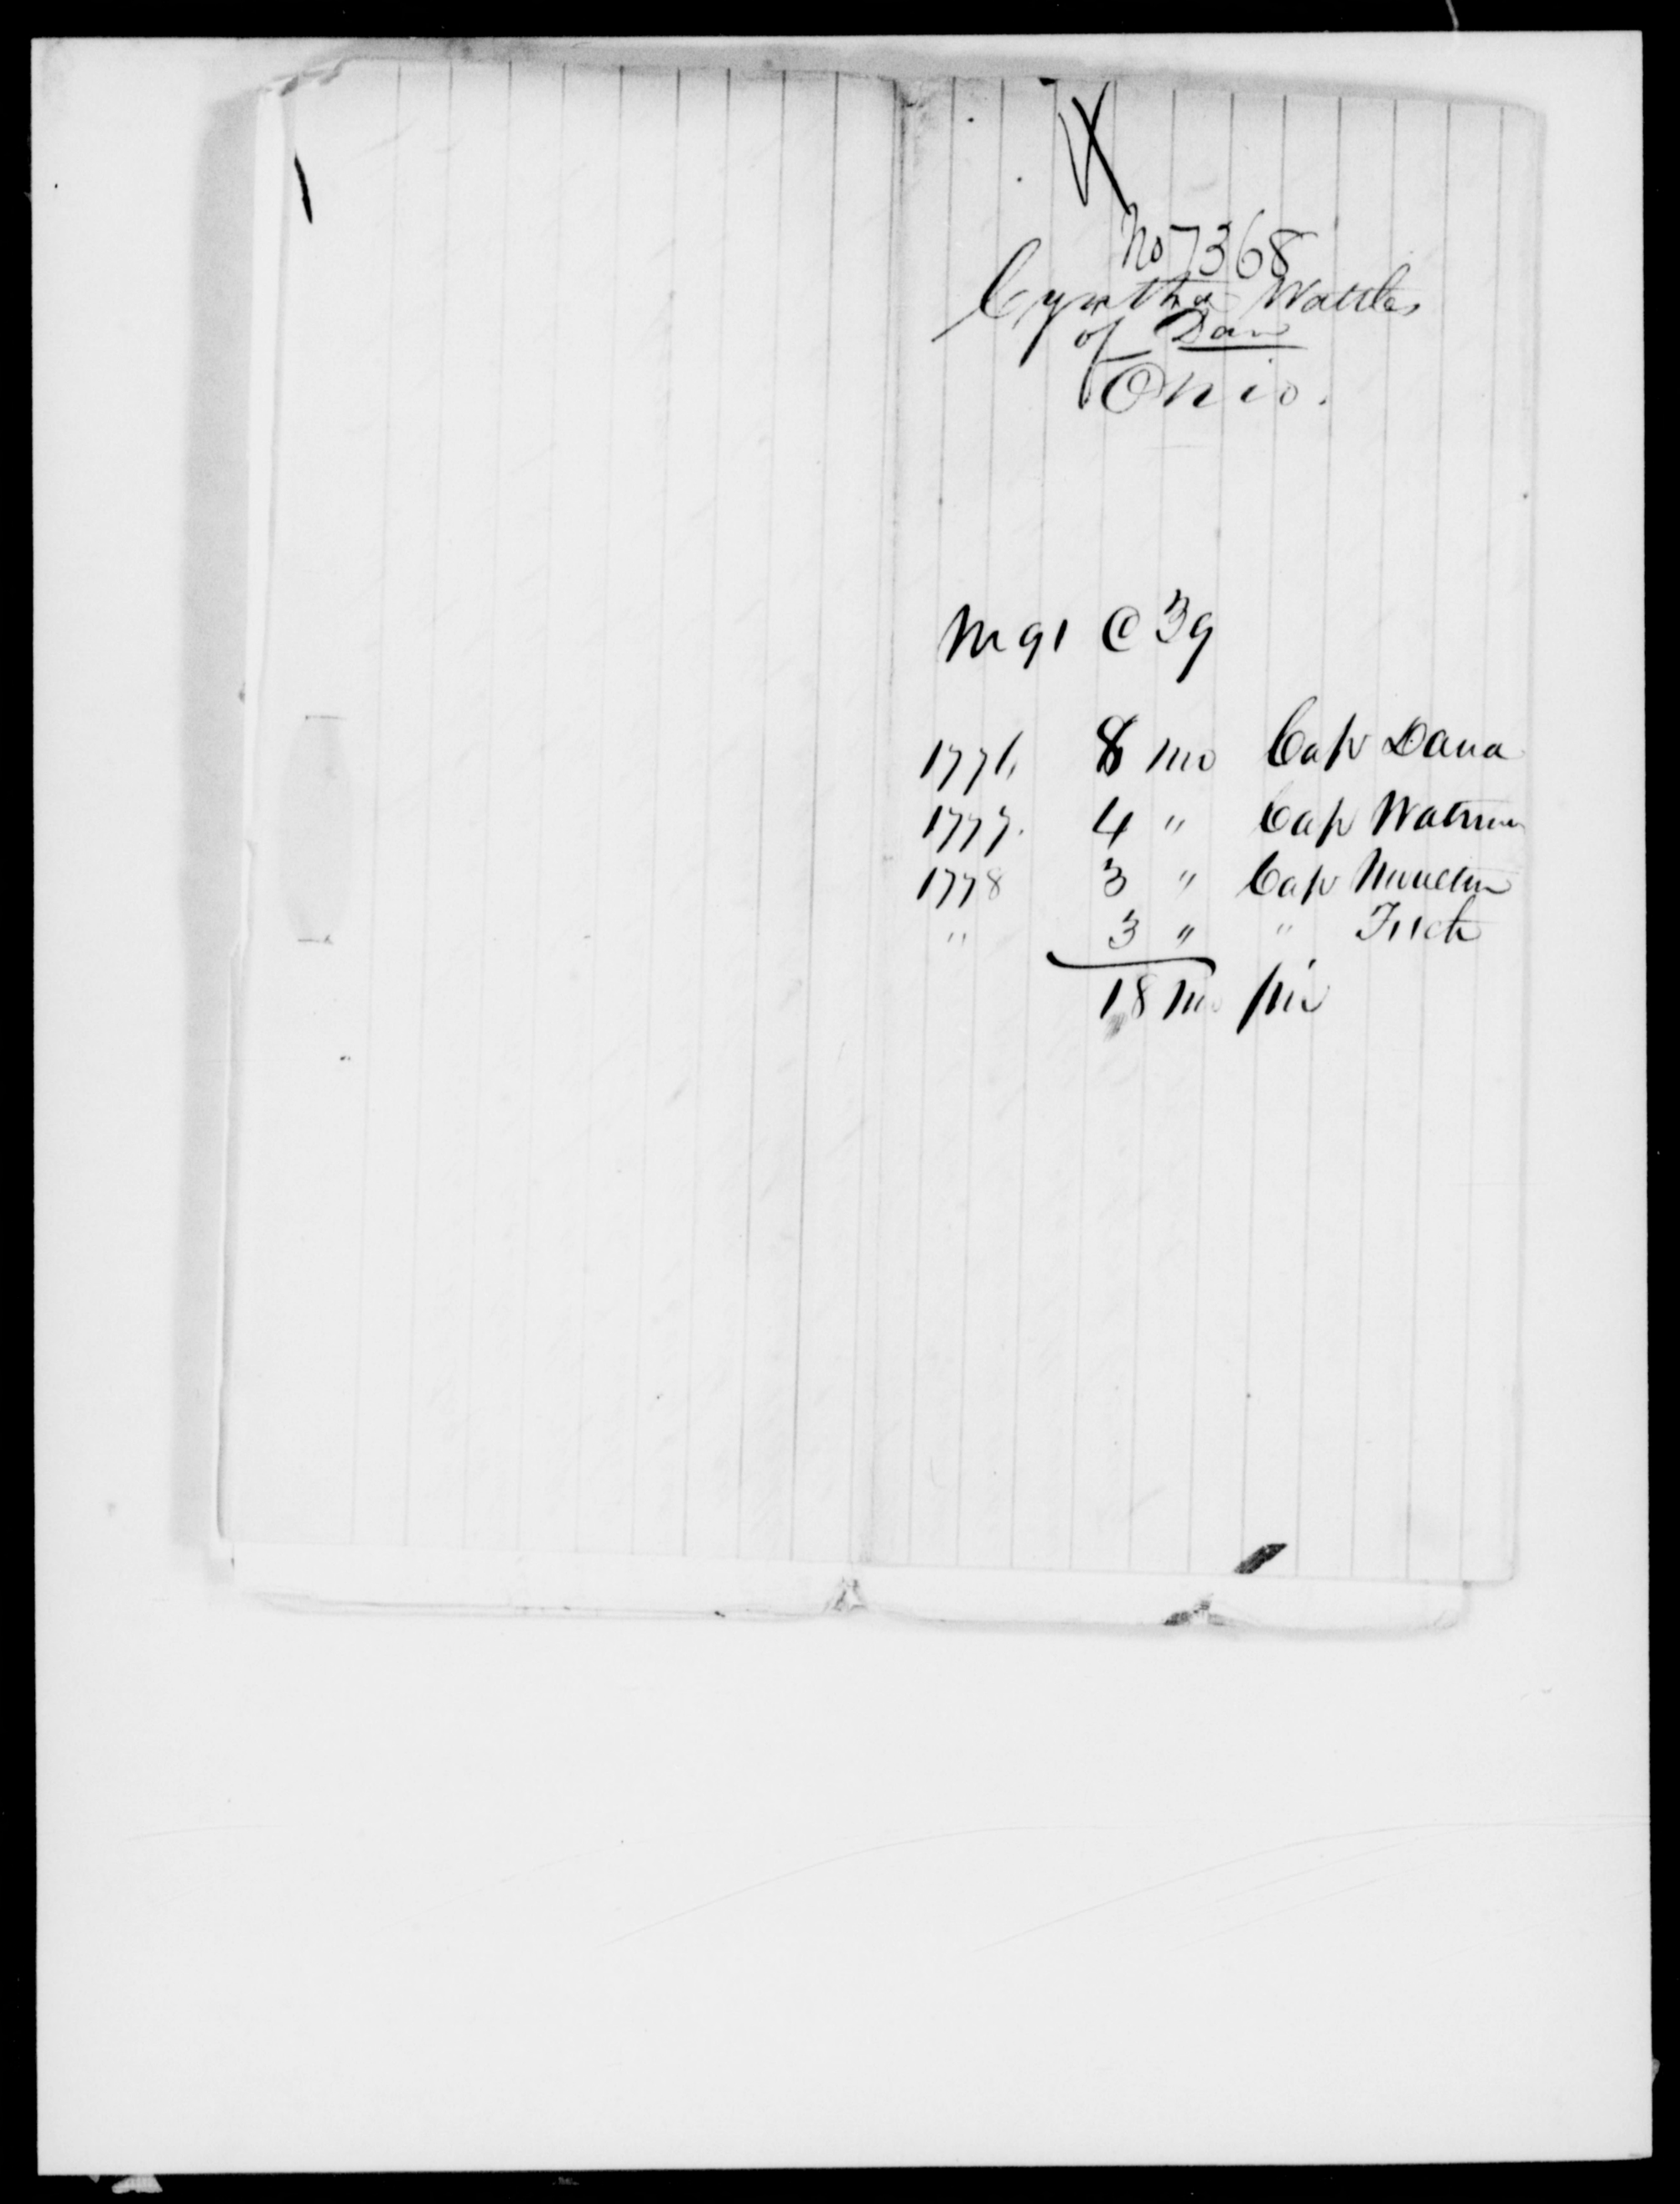4
No 7368
---------
Cynthia Wattles
of Dan
Ohio.


M 91 @ 39

1776        8 mo     Capt Dana
1777        4   "       Capt Watman
1778         3   "       Capt Mouton
   "             3   "          "    Fitch
               ------
                 18 mo  pri.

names: Moulton, Cyntha Wattles, Dana, Dan Wattles, Watman, Fitch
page: 12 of 70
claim: widow's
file: W. 3743, Dan Wattles, Conn.